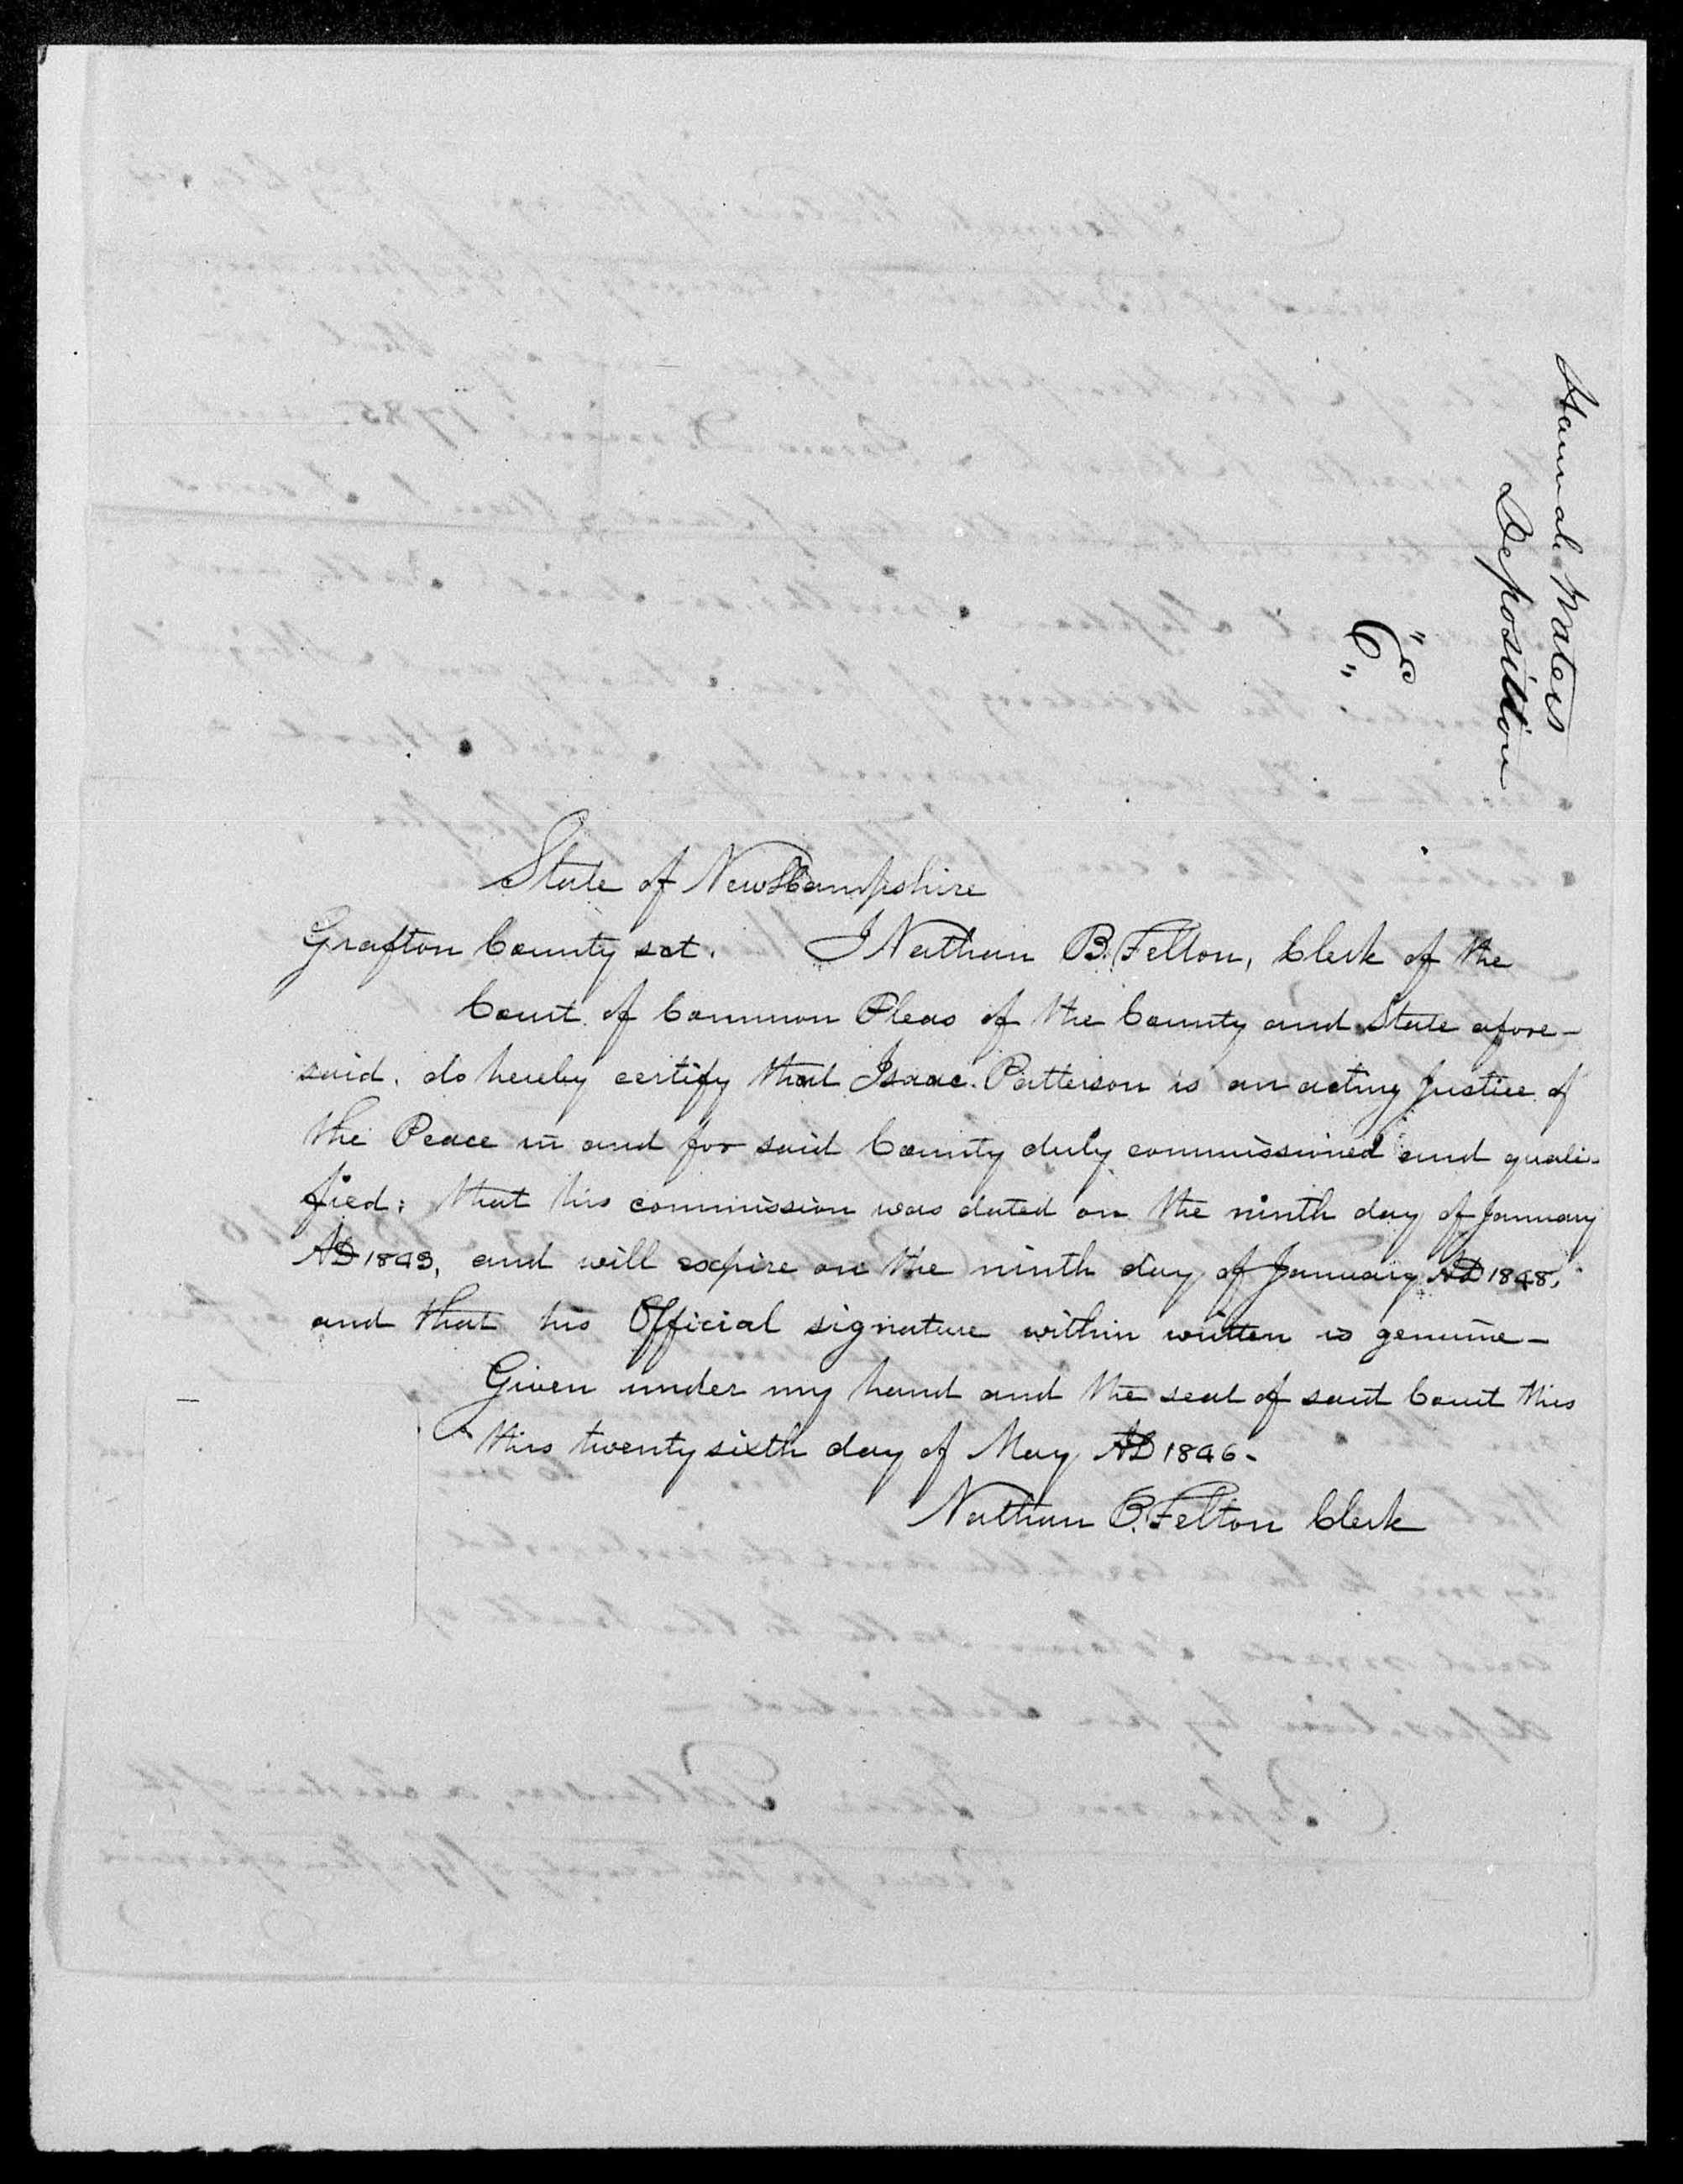Hannah Waters  Deposition 
State of New Hampshire Hannah Waters Grafton, County ect 
I Nathan B Felton, Clerk of the Court of Common Pleas of the County and State aforesaid, do hereby certify that Isaac Patterson is an acting Justice of the Peace in and for said County duly commissioned and qualified: that his commission was dated on the ninth day of January AD 1843, and will expire on the ninth day of January AD 1848 and that his Official signature within written is genuine- Given under my hand and the seal of said Court this this twenty sixth day of May AD 1846 Nathan C. Felton Clerk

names: Hannah Waters, Nathan B Felton, Isaac Patterson, Nathan B Felton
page: 40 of 67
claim: widow's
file: W. 23183, Jesse Hardy, Mass.